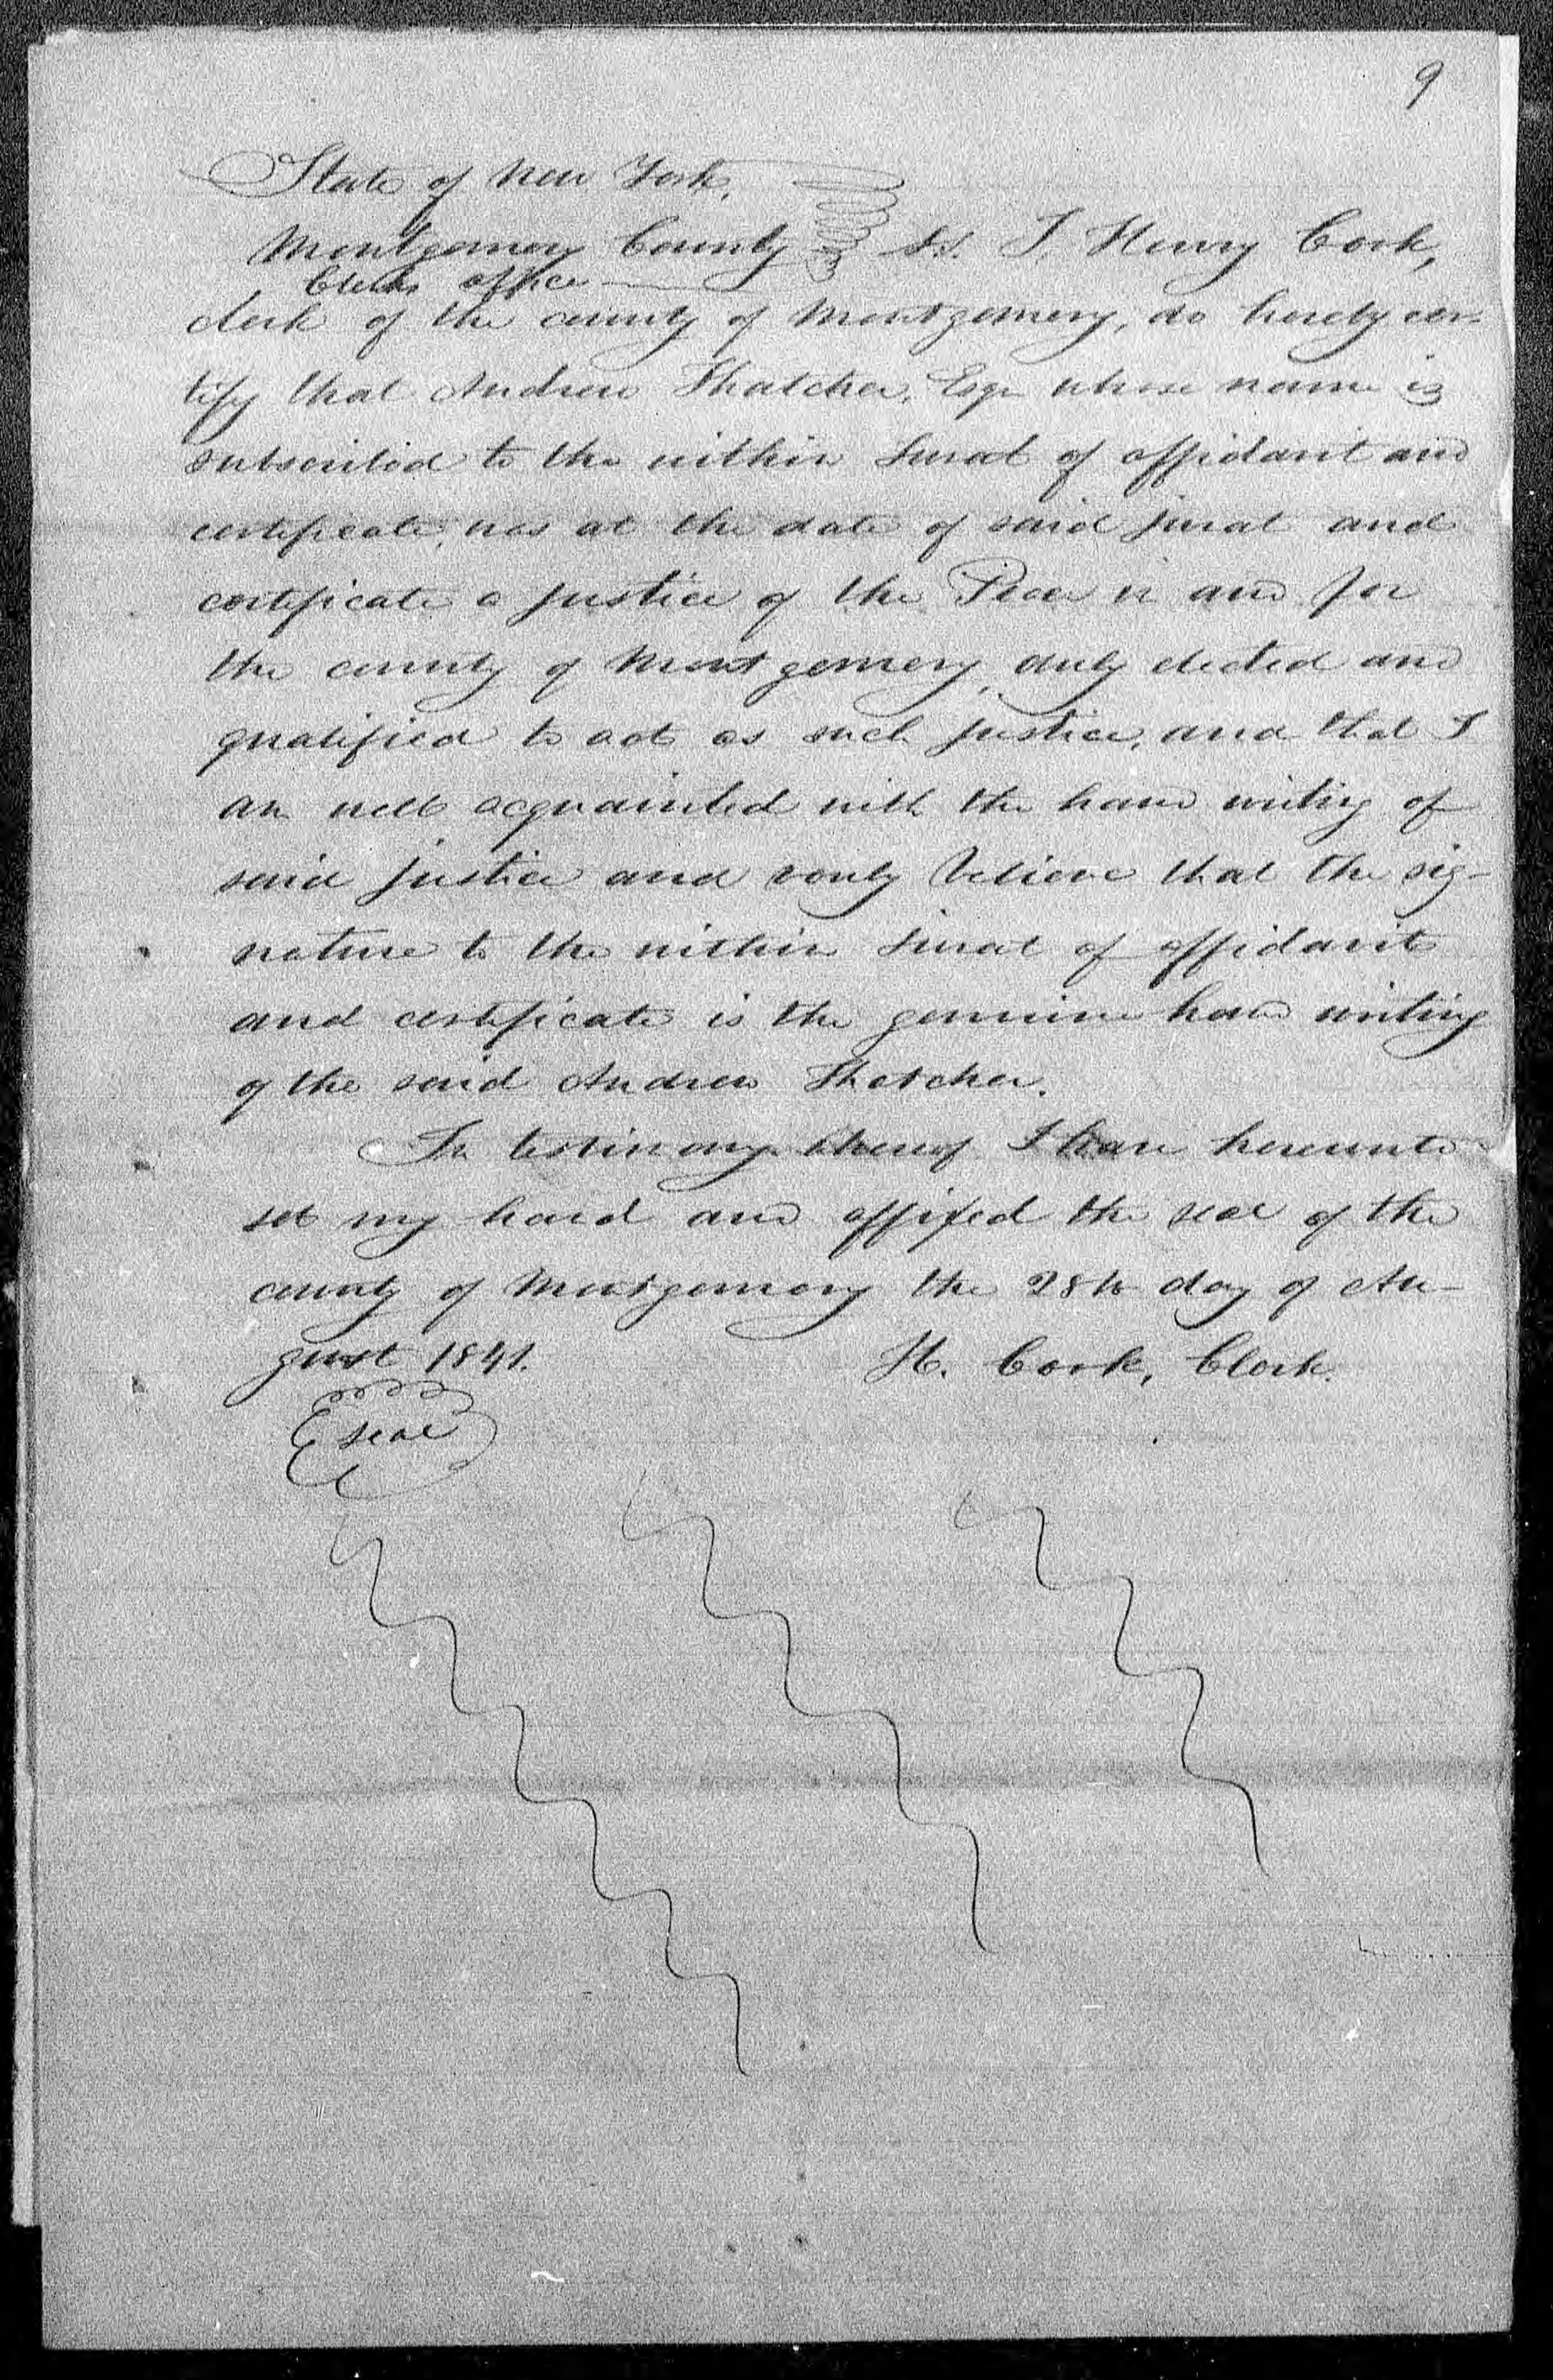State of New York
Montgomery County Clerk's Office} ss.
I, Henry Cook, Clerk of the county of Montgomery, do hereby certify that Andrew Thatcher Esq whose name is subscribed to the within Jurat of affidavit and certificate, was at the date of the said Jurat and certificate a Justice of the Peace in and for the county of Montgomery, duly elected and qualified to act as such Justice, and that I am well acquainted with the hand writing of said Justice and verily believe that the signature to the within Jurat of affidavit and certificate is the genuine hand writing of the said Andrew Thatcher.
In testimony whereof I have hereunto set my hand and affixed the seal of the county of Montgomery the 28th day of August 1841.
H Cook, Clerk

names: H Cook, Henry Cook, Andrew Thatcher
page: 27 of 68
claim: rejected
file: R. 2,360, John Couch, Conn.